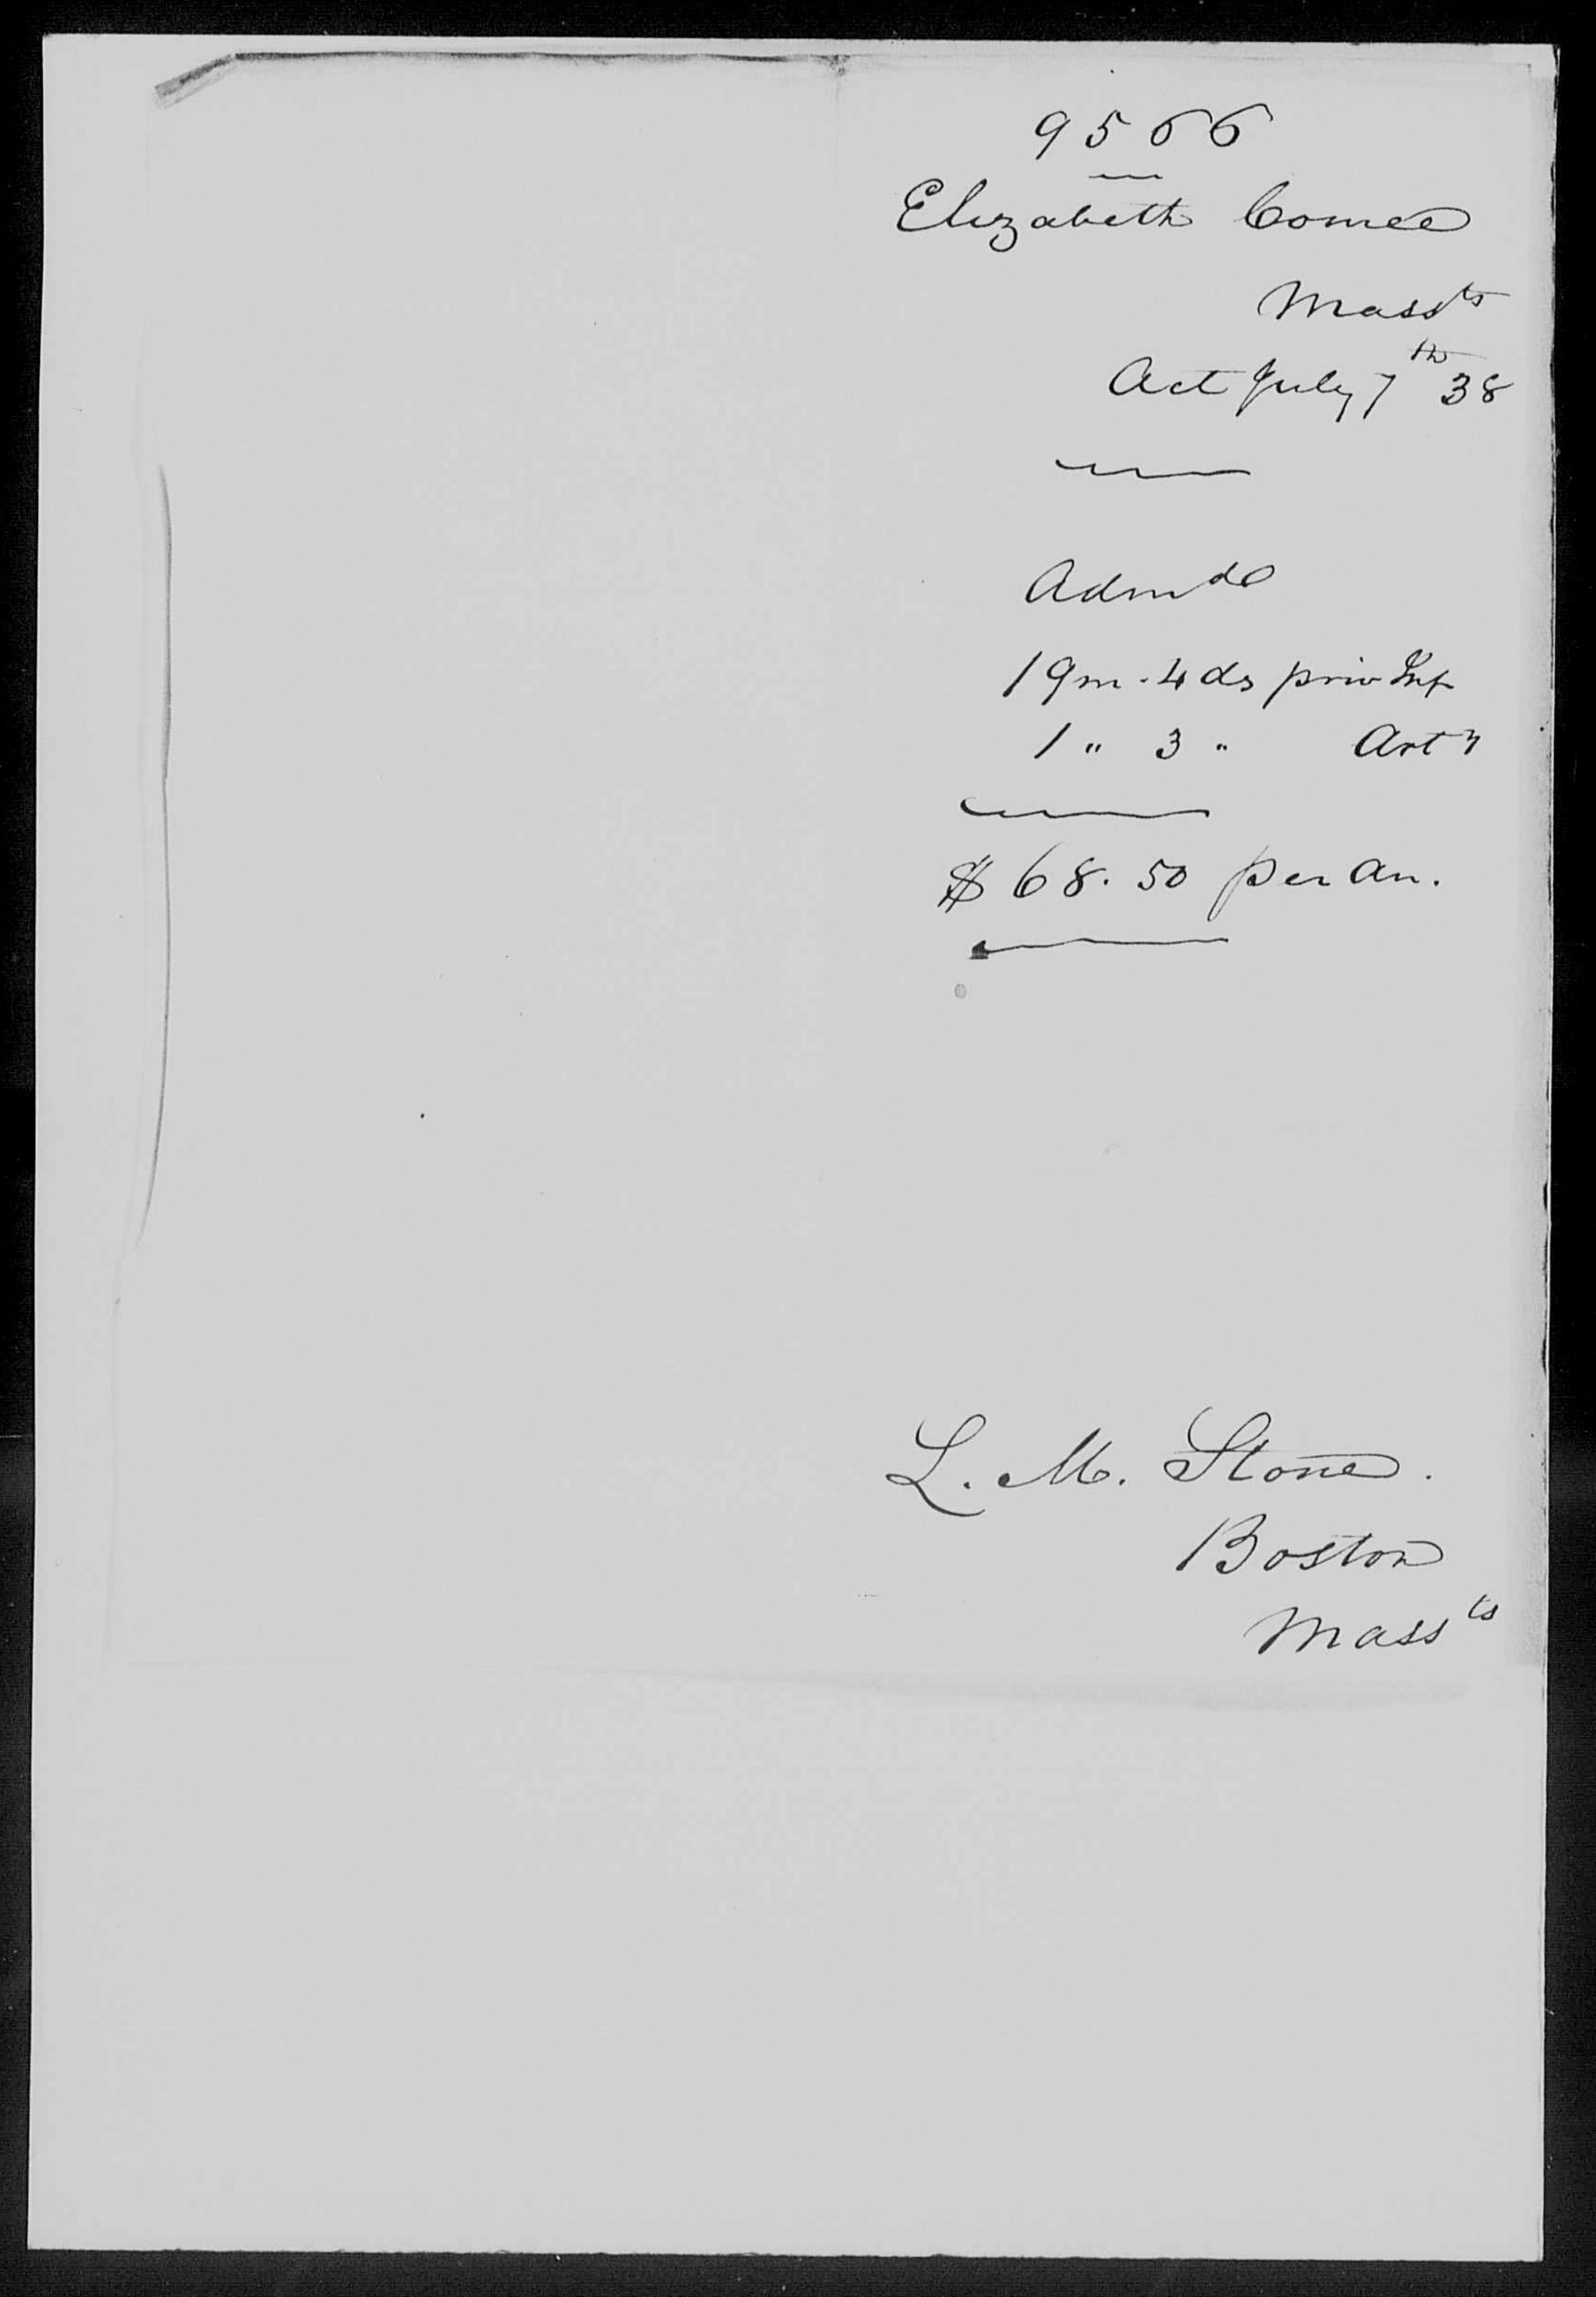9566 
——-
Elizabeth Commee
Mass’ts
Act July 7th 38
——-
Adm’de
19m 4ds priv inf
  1 “  3 " Art 
——-
 $68.50 per An
——-
L. M. Stone 
Boston Mass’ts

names: L M Stone, Elizabeth Comee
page: 25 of 45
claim: widow's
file: W. 14,567, Oliver Comee, Mass.